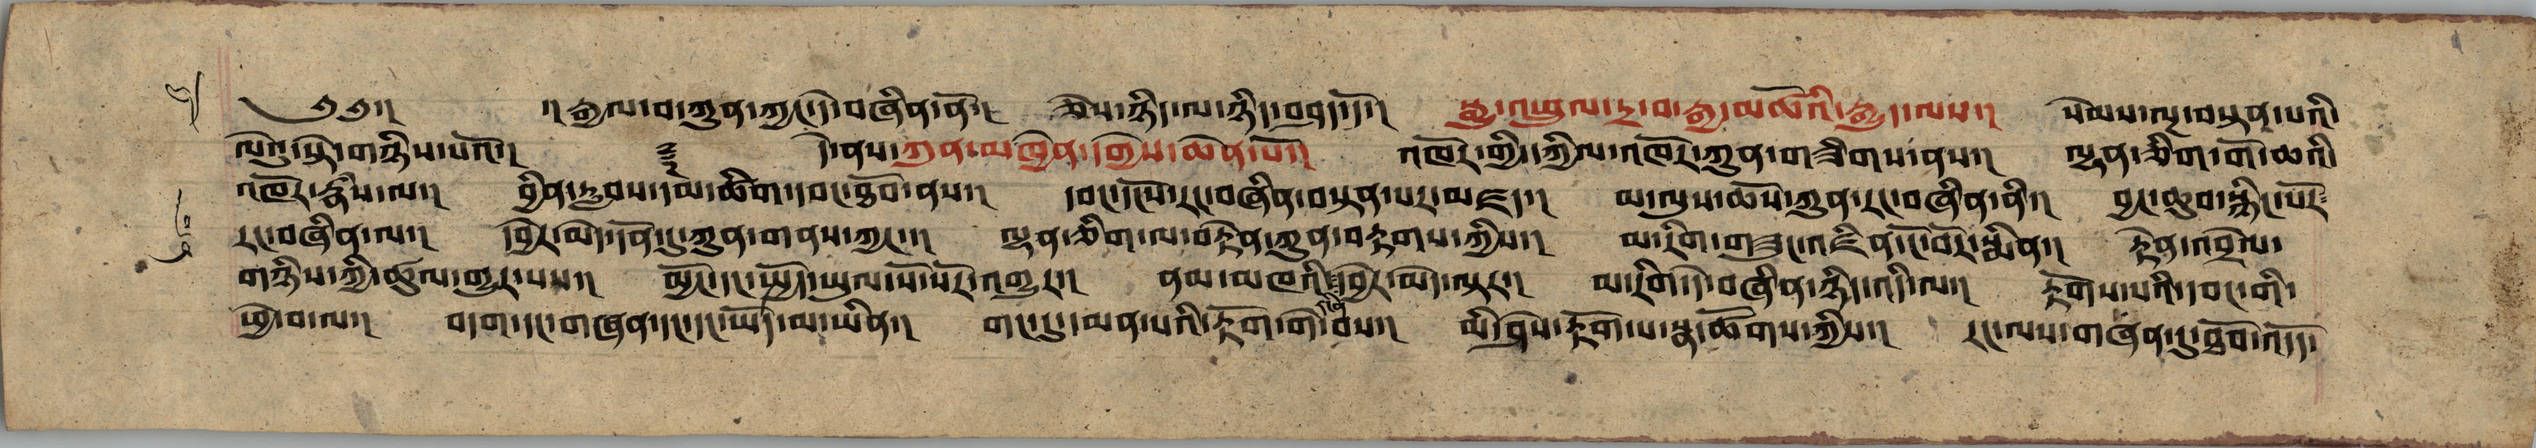༄༅་། ་།རྒྱལ་བ་ཀུན་ཀྱང་དེ་བཞིནནོ་། ཅེས་ཉིད་ལ་ཉིད་བཤད་དོ་། སྒྱུ་འཕྲུལ་དྲ་བ་རྒྱ་མཚོའི་རྒྱུད་ལས་། སེམས་ལྔ་བསྟན་པའི་
ལེའུ་སྟེ་གཉིས་པའོ་། ࿑ དེ་ནས་ཀུན་མཁྱེན་དགྱེས་ཆེན་པོ་། འཁོར་གྱི་དཀྱིལ་འཁོར་ཀུན་གཟིགས་ནས་། ལྷན་ཅིག་གོ་ཆའི་
འཁོར་རྣཾས་ལ་། བྱིན་རླབས་དམ་ཚིག་དབང་ཐོབ་ནས་། དབང་དངོས་རང་བཞིན་བསྟན་པར་མཛད་། མ་ལུས་ཆོས་ཀུན་རང་བཞིན་ནི་། བྱང་ཆུབ་སྙིང་པོར་
རང་བཞིན་ལ་། དབྱེར་མེད་དོན་དུ་ཀུན་གནས་ཀྱང་་། ལྡན་ཅིག་ལ་བརྟེན་ཀུན་བརྟགས་ཀྱིས་། མ་རིག་གཟུང་འཛིན་ངོ་བོར་སྨིན་། རྟེན་འབྲེལ་
གཉིས་ཀྱི་ཚུལ་གྱུར་པས་། མྱོང་དང་སྤྱོད་ཡུལ་སོ་སོར་འགྱུར་། ནམ་མཁའི་རངིན་དབྱེར་མེད་ལྟར་། མ་རིག་དེ་བཞིན་ཉིད་འདི་ལ་། རྟོགས་པའི་དབང་གི་
ཕྱེ་བ་ལ་། བདག་དང་གཞན་དང་དང་ཡོད་མ་ཡིན་། གང་དུ་མན་པའི་རྟོག་གེ་བས་། མི་ཤེས་རྟོག་པ་སྣ་ཚོགས་ཀྱིས་། རང་ལས་གཞན་དུ་ཐོབ་འདོ